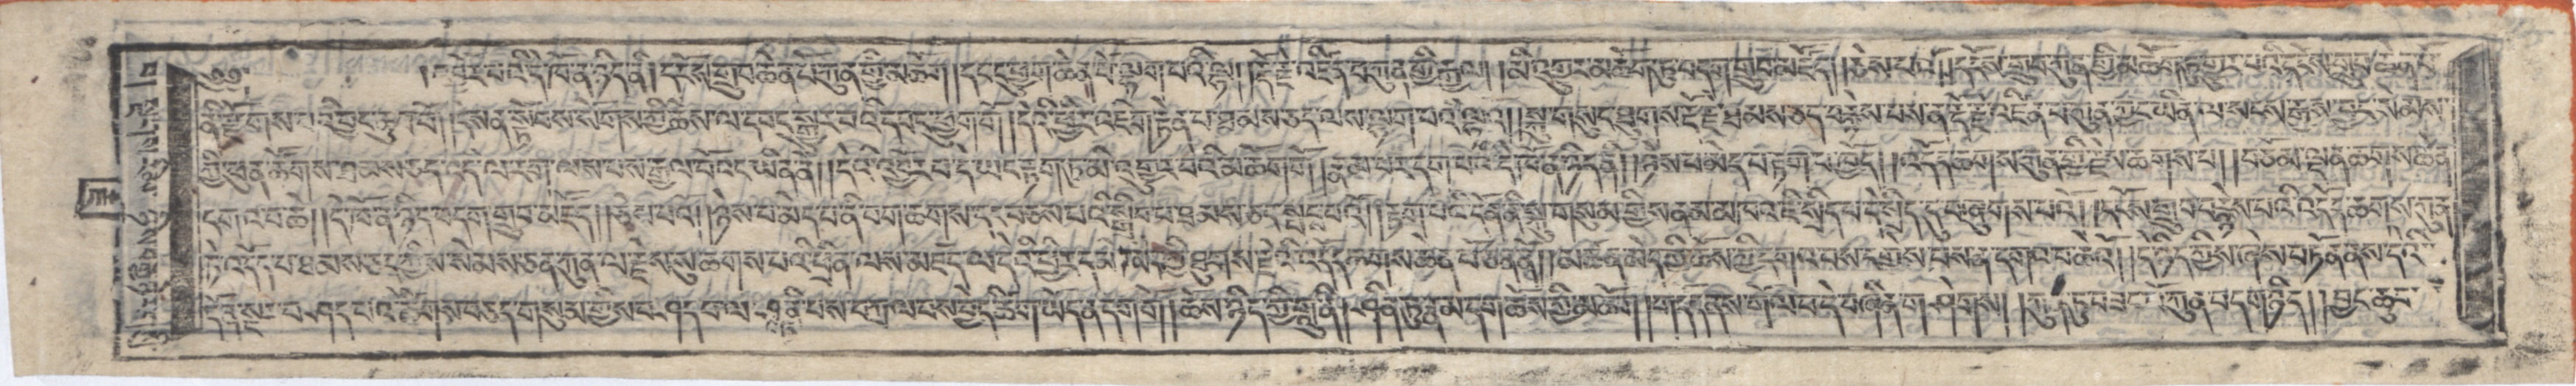༄༅། །འབྱོར་པའི་དེ་ཁོ་ན་ཉིད་ནི། དངོས་གྲུབ་ཆེན་པོ་ཀུན་གྱི་མཆོག །དབང་ཕྱུག་ཆེན་པོ་ལྷག་པའི་ལྷ། །རྡོ་རྗེ་འཛིན་པ་ཀུན་གྱི་རྒྱལ། །མི་འགྱུར་མཆོག་ཏུ་བདག་གྲུབ་མཛོད། །ཅེས་པའོ། །དངོས་གྲུབ་ཀུན་གྱི་མཆོག་ཏུ་གྱུར་པའི་དངོས་གྲུབ་ཆེན་པོ་
ནི་རྫོགས་པའི་བྱང་ཆུབ་བོ། །དེས་ན་སྟོབས་སོགས་ཀྱི་ཆོས་ལ་དབང་སྒྱུར་བའི་དབང་ཕྱུག་གོ །དེའི་ཕྱིར་འཇིག་རྟེན་པ་ཐམས་ཅད་ལས་ལྷག་པའི་ལྷའོ། །སྐུ་གསུང་ཐུགས་རྡོ་རྗེ་ཐམས་ཅད་བརྙེས་པས་ན་རྡོ་རྗེ་འཛིན་པ་ཀུན་ཀྱང་ཡིན་ལ་སངས་རྒྱས་བྱང་སེམས་
ཀྱི་ཕུན་ཚོགས་ཐམས་ཅད་འདི་ལ་རག་ལས་པས་རྒྱལ་པོའང་ཡིན་ནོ། །དེའི་འབྱོར་བ་དེ་ཡང་རྟག་ཏུ་མི་འགྱུར་བའི་མཆོག་གོ །རྣམ་པར་དག་པའི་དེ་ཁོ་ན་ཉིད་ནི། །ཉེས་པ་མེད་པ་རྟག་པ་ཁྱོད། །འདོད་ཆགས་ཀུན་གྱི་རྗེས་ཆགས་པ། །བཅོམ་ལྡན་ཆགས་ཆེན་
དགའ་བ་ཆེ། །དེ་ཁོ་ན་ཉིད་བདག་གྲུབ་མཛོད། །ཅེས་པའོ། །ཉེས་པ་མེད་པ་ནི་བག་ཆགས་དང་བཅས་པའི་སྒྲིབ་པ་ཐམས་ཅད་སྤངས་པའོ། །རྟག་པའི་དོན་ནི་སྐུ་གསུམ་གྱིས་ནམ་མཁའ་ཇི་སྲིད་པ་དེ་སྲིད་དུ་བཞུགས་པའོ། །དངོས་གྲུབ་བརྙེས་པའི་འདོད་ཆགས་ཀུན་
ཏེ་འདོད་པ་ཐམས་ཅད་ཀྱིས་སེམས་ཅན་ཀུན་ལ་རྗེས་སུ་ཆགས་པའི་ཕྲིན་ལས་མཛད་ལ་དེའི་ཕྱིར་དམིགས་མེད་ཀྱི་ཐུགས་རྗེའི་འདོད་ཆགས་ཆེན་པོ་ཅན་ནོ། །མཚན་མེད་ཀྱི་ཆོས་ཀྱི་དགའ་བས་དགྱེས་པས་ན་དགའ་བ་ཆེའོ། །དེ་ཉིད་ཀྱིས་ཞེས་བཏོན་ནས་དེའི་
དོན་སྔར་བཤད་པའི་ཚིགས་བཅད་གསུམ་གྱིས་བཤད་པ་ལ་ཤཱནྟི་པས་བཀྲལ་བས་བྱེད་ཚིག་ཡོད་ན་དག་གོ །ཆོས་ཉིད་ཀྱི་གླུ་ནི། ཤིན་ཏུ་རྣམ་དག་ཆོས་ཀྱི་མཆོག །གདོད་ནས་གོལ་བ་དེ་བཞིན་གཤེགས། །ཀུན་ཏུ་བཟང་པོ་ཀུན་བདག་ཉིད། །བྱང་ཆུབ་